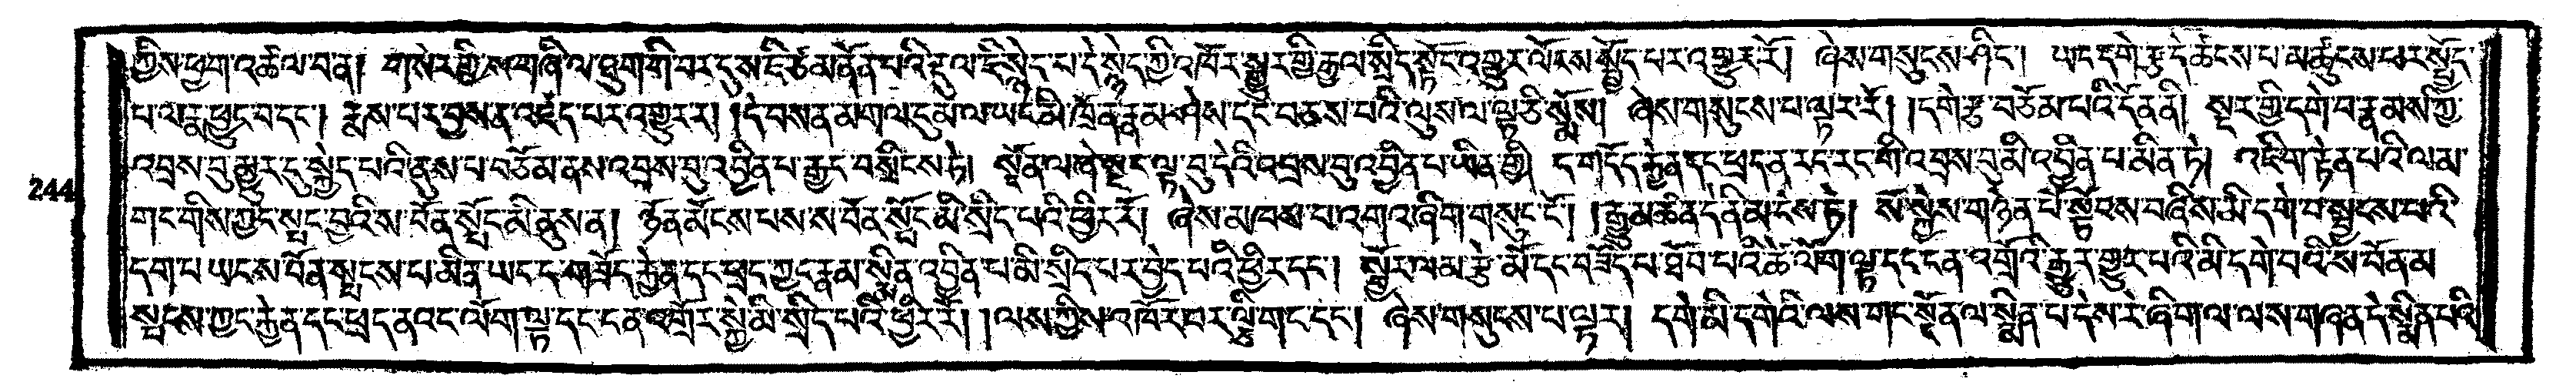ཀྱིས་ཕྱག་འཚལ་བ་ན། གསེར་གྱི་ས་གཞི་ལ་ཐུག་གི་བར་དུས་ཇི་ཙམ་ནོན་པའི་རྡུལ་ཇི་སྙེད་པ་དེ་སྙེད་ཀྱི་འཁོར་སྒྱུར་གྱི་རྒྱལ་སྲིད་སྟོང་འགྱུར་ལོངས་སྦྱོད་པར་འགྱུར་རོ། །ཞེས་གསུངས་ཤིང་། ཡང་དགེ་རྩ་དེ་ཚངས་པ་མཚུང་པར་སྤྱོད་
པ་ལ་རྨ་ཕྱུང་བ་དང་། རྨས་པར་བྱས་ན་འཛད་པར་འགྱུར་ར། །དེ་བསན་མགལ་དུམ་ལ་ཡང་མི་ཁྲོན་རྣམ་ཤེས་དང་བཅས་པའི་ལུས་ལ་ལྟ་ཅི་སྨོས། ཞེས་གསུངས་པ་ལྟར་རོ། །དགེ་རྩ་བཅོམ་པའི་དོན་ནི། སྔར་གྱི་དགེ་བ་རྣམས་ཀྱི་
འབྲས་བུ་མྱུར་དུ་སྐྱེད་པའི་ནུས་པ་བཅོམ་ནས་འབྲས་བུ་འབྱིན་པ་རྒྱང་བསྲིངས་ཏེ། སྡོན་ལ་ཞེ་སྔད་ལྟ་བུ་དེའི་འབྲས་བུ་འབྱིན་པ་ཡིན་གྱི། ད་གདོད་རྐྱེན་དང་ཕྲད་ན་རང་རང་གི་འབྲས་བུ་མི་འབྱིན་པ་མིན་ཏེ། འཇིག་རྟེན་པའི་ལམ་
གང་གིས་ཀྱང་སྤང་བྱའི་ས་བོན་སྤོང་མི་ནུས་ན། ཉོན་མོངས་པས་ས་བོན་སྤོང་མི་སྲིད་པའི་ཕྱིར་རོ། ཞེས་མཁས་པ་འགའ་ཞིག་གསུང་ངོ། །རྒྱུ་མཆིན་དེ་ནི་མ་ངེས་ཏེ། སོ་སྐྱེས་གཉེན་པོ་སྟོབས་བཞིས་མི་དགེ་བ་སྦྱངས་བའི་
དག་པ་ཡངས་བོན་སྤངས་པ་མིན་ཡང་ད་གཟོད་རྐྱེན་དང་ཕྲད་ཀྱང་རྣམ་སྨིན་འབྱིན་པ་མི་སྲིད་པར་བྱེད་པའི་ཕྱིར་དང་། སྒྱོར་ལམ་རྩེ་མོ་དང་བཟོད་པ་ཐོབ་པའི་ཚེ་ལོག་ལྟ་དང་དན་འགྲོའི་རྒྱུར་གྱུར་པའི་མི་དགེ་བའི་ས་བོན་མ་
སྦངས་ཀྱང་རྐྱེན་དང་ཕྲད་ནའང་ལོག་ལྟ་དང་ངན་འགྲོར་སྐྱེ་མི་སྲིད་པའི་ཕྱིར་རོ། །ལས་ཀྱིས་འཁོར་བར་ལྕི་གང་དང་། ཞེས་གསུངས་པ་ལྟར། དགེ་མི་དགེའི་ལས་གང་སྟོན་ལ་སྨིན་པ་དེས་རེ་ཞིག་ལ་ལས་གཞན་དེ་སྨིན་པའི་